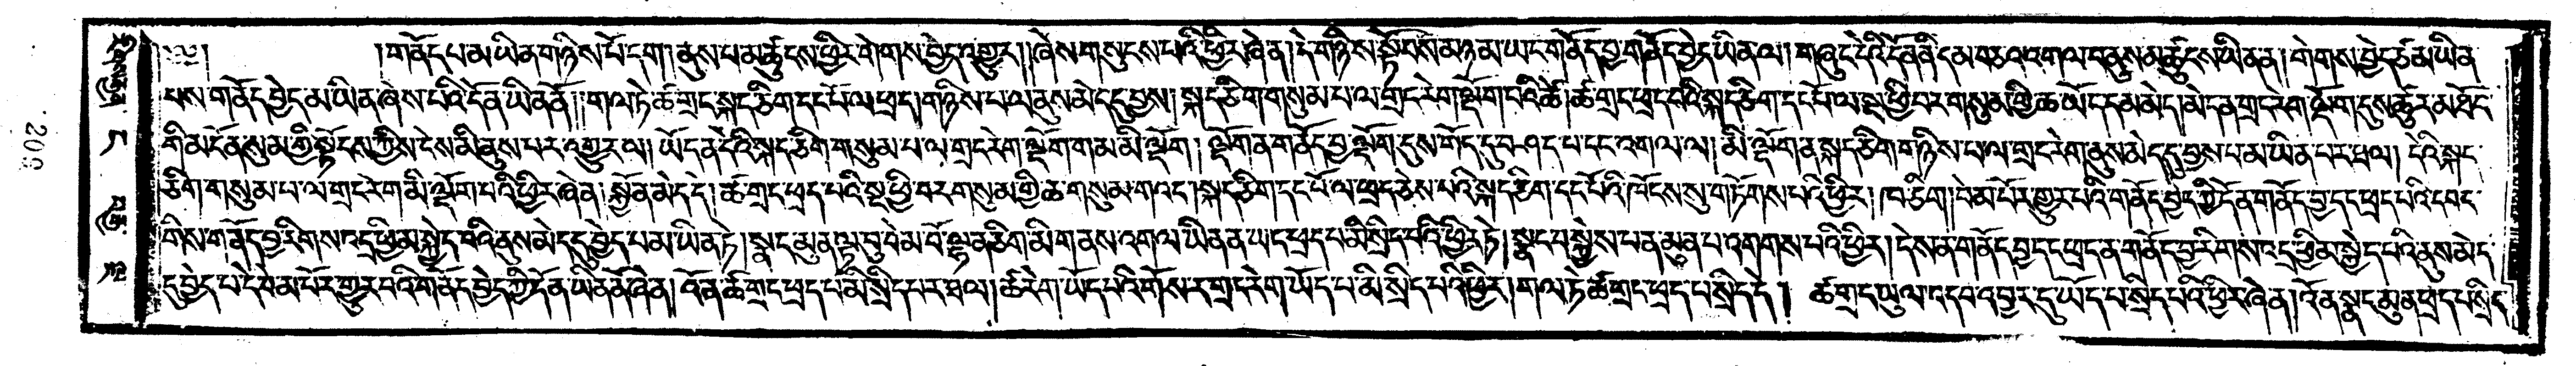༄༅། །གནོད་པ་མ་ཡིན་གཉིས་པོ་དག །ནུས་པ་མཚུངས་ཕྱིར་གེགས་བྱེད་འགྱུར། །ཞེས་གསུངས་པའི་ཕྱིར་ཞེ་ན། དེ་གཉིས་སྟོབས་མཉམ་ཡང་གནོད་བྱ་གནོད་བྱེད་ཡིན་ལ། གཞུང་དེའི་དོན་ནི་དམ་བཅའ་འགལ་བ་ནུས་མཚུངས་ཡིན་ན། གེགས་བྱེད་ཙམ་ཡིན་
པས་གནོད་བྱེད་མ་ཡིན་ཞེས་པའི་དོན་ཡིན་ནོ། །གལ་ཏེ་ཚ་གྲང་སྐད་ཅིག་དང་པོ་ལ་ཕྲད། གཉིས་པ་ལ་ནུས་མེད་དུ་བྱས། སྐད་ཅིག་གསུམ་པ་ལ་གྲང་རེག་ལྡོག་པའི་ཚེ། ཚ་གྲང་ཕྲད་པའི་སྐད་ཅིག་དང་པོ་ལ་སྔ་ཕྱི་བར་གསུམ་གྱི་ཆ་ཡོད་དམ་མེད། མེད་ན་གྲང་རེག་ལྡོག་དུས་ཚུར་མཐོང་
གི་མངོན་སུམ་གྱི་སྟོབས་ཀྱིས་ངེས་མི་ནུས་པར་འགྱུར་ལ། ཡོད་ན་དེའི་སྐད་ཅིག་གསུམ་པ་ལ་གྲང་རེག་ལྡོག་གམ་མི་ལྡོག །ལྡོག་ན་གནོད་བྱ་ལྡོག་དུས་གོང་དུ་བཤད་པ་དང་འགལ་ལ། མི་ལྡོག་ན་སྐད་ཅིག་གཉིས་པ་ལ་གྲང་རེག་ནུས་མེད་དུ་བྱས་པ་མ་ཡིན་པར་ཐལ། དེའི་སྐད་
ཅིག་གསུམ་པ་ལ་གྲང་རེག་མི་ལྡོག་པའི་ཕྱིར་ཞེ་ན། སྐྱོན་མེད་དེ། ཚ་གྲང་ཕྲད་པའི་སྔ་ཕྱི་བར་གསུམ་གྱི་ཆ་གསུམ་གའང་། སྐད་ཅིག་དང་པོ་ལ་ཕྲད་ཅེས་པའི་སྐད་ཅིག་དང་པོའི་ཁོངས་སུ་གཏོགས་པའི་ཕྱིར། ཁ་ཅིག །བེམ་པར་གྱུར་པའི་གནོད་བྱེད་ཀྱི་དོན་གནོད་བྱ་དང་ཕྲད་པའི་དབང་
གིས་གནོད་བྱ་རིགས་འདྲ་ཕྱི་མ་སྐྱེད་པའི་ནུས་མེད་དུ་བྱེད་པ་མ་ཡིན་ཏེ། སྣང་མུན་ལྟ་བུ་བེམ་པོ་ལྷན་ཅིག་མི་གནས་འགལ་ཡིན་ན་ཡང་ཕྲད་པ་མི་སྲིད་པའི་ཕྱིར་ཏེ། སྣང་བ་སྐྱེས་པ་ན་མུན་པ་འགགས་པའི་ཕྱིར། དེས་ན་གནོད་བྱ་དང་ཕྲད་ན་གནོད་བྱ་རིགས་འདྲ་ཕྱི་མ་སྐྱེད་པའི་ནུས་མེད་
དུ་བྱེད་པ་དེ་བེམ་པོར་གྱུར་པའི་གནོད་བྱེད་ཀྱི་དོན་ཡིན་ནོ་ཞེ་ན། འོ་ན་ཚ་གྲང་ཕྲད་པ་མི་སྲིད་པར་ཐལ། ཆ་རེག་ཡོད་པའི་གོ་སར་གྲང་རེག་ཡོད་པ་མི་སྲིད་པའི་ཕྱིར། གལ་ཏེ་ཚ་གྲང་ཕྲད་པ་སྲིད་དེ། ཆ་གྲང་ཡུལ་འདབ་འབྱར་དུ་ཡོད་པ་སྲིད་པའི་ཕྱིར་ཞེ་ན། འོ་ན་སྣང་མུན་ཕྲད་པ་སྲིད་